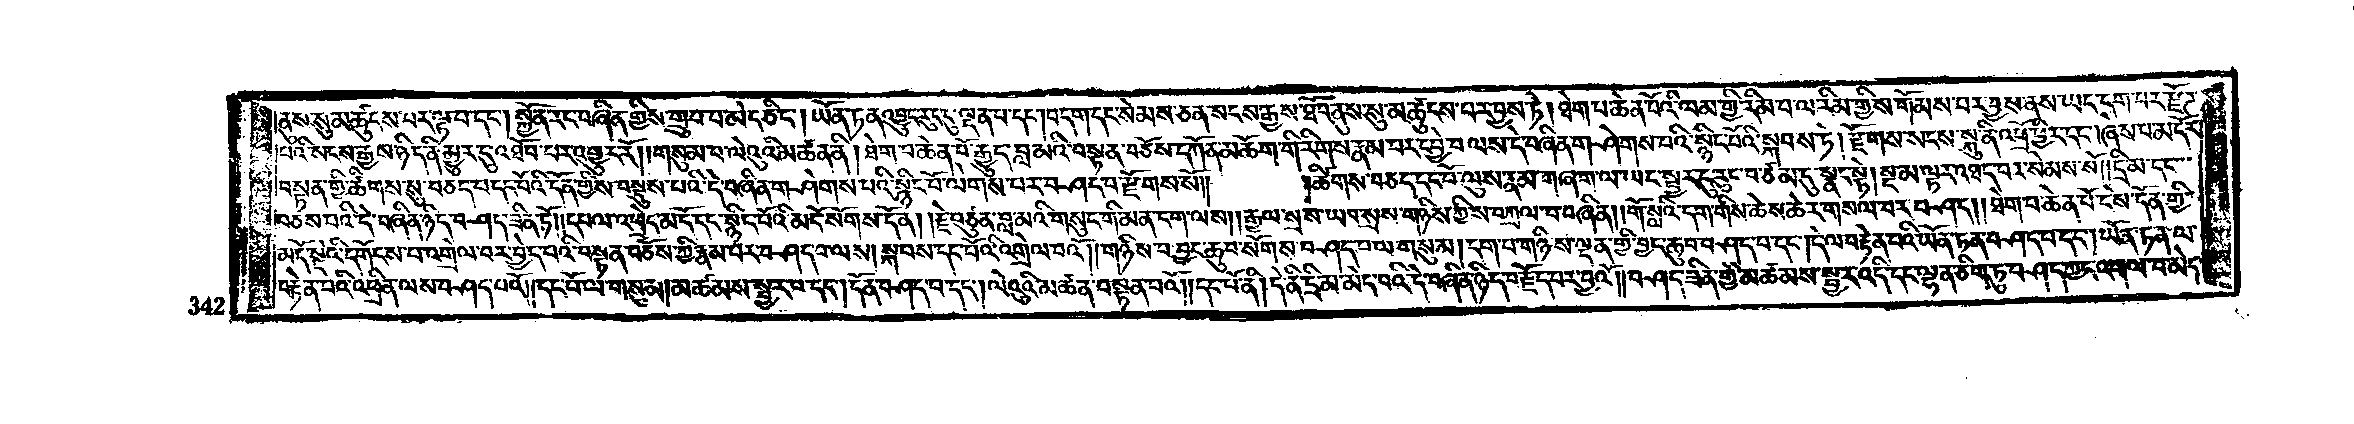ནུས་སུ་མཚུངས་པར་ལྟ་བ་དང་། སྐྱོན་རང་བཞིན་གྱིས་གྲུབ་པ་མེད་ཅིང་། ཡོན་ཏན་འབྱུང་རུང་དུ་ལྡན་པ་དང་། བདག་དང་སེམས་ཅན་སངས་རྒྱས་ཐོབ་ནུས་སུ་མཚུངས་པར་བྱས་ཏེ། ཐེག་པ་ཆེན་པོའི་ལམ་གྱི་རིམ་པ་ལ་རིམ་གྱིས་གོམས་པར་བྱས་ནས་ཡང་དག་པར་རྫོགས་
པའི་སངས་རྒྱས་ཉིད་ནི་མྱུར་དུ་འཐོབ་པར་འགྱུར་རོ། །གསུམ་པ་ལེའུའི་མཚན་ནི། ཐེག་པ་ཆེན་པོ་རྒྱུད་བླ་མའི་བསྟན་བཅོས་དཀོན་མཆོག་གི་རིགས་རྣམ་པར་དབྱེ་བ་ལས་དེ་བཞིན་གཤེགས་པའི་སྙིང་པོའི་སྐབས་ཏེ། རྫོགས་སངས་རྒྱས་སྐུ་ནི་འཕྲོ་ཕྱིར་དང་། ཞེས་པ་མདོར་
བསྟན་གྱི་ཚིགས་སུ་བཅད་པ་དང་པོའི་དོན་གྱིས་བསྡུས་པའི་དེ་བཞིན་གཤེགས་པའི་སྙིང་པོ་ལེགས་པར་བཤད་པ་རྫོགས་སོ།། །།ཚིགས་བཅད་དང་པོ་ལུས་རྣམ་གཞག་ལ་ཡང་སྦྱར་དུ་རུང་བ་ཙམ་དུ་སྣང་སྟེ། སྔ་མ་ལྟར་འཐད་པར་སེམས་སོ། །དྲི་མ་དང་
བཅས་པའི་དེ་བཞིན་ཉིད་བཤད་ཟིན་ཏོ། །དཔལ་འཕྲེང་མདོ་དང་སྙིང་པོའི་མདོ་སོགས་དོན། །རྗེ་བཙུན་བླ་མའི་གསུང་གི་མན་ངག་ལས། །རྒྱལ་སྲས་ཡབ་སྲས་གཉིས་ཀྱིས་བཀྲལ་བས་བཞིན། །གོ་སླའི་དག་གིས་ཆེས་ཆེར་གསལ་བར་བཤད། །ཐེག་པ་ཆེན་པོ་ངེས་དོན་གྱི་
མདོ་སྡེའི་དགོངས་པ་འགྲེལ་པར་བྱེད་པའི་བསྟན་བཅོས་ཀྱི་རྣམ་པར་བཤད་པ་ལས། སྐབས་དང་པོའི་འགྲེལ་པའོ། །གཉིས་པ་བྱང་ཆུབ་སོགས་བཤད་པ་ལ་གསུམ། དག་པ་གཉིས་ལྡན་གྱི་བྱང་ཆུབ་བཤད་པ་དང་། དེ་ལ་བརྟེན་པའི་ཡོན་ཏན་བཤད་པ་དང་། ཡོན་ཏན་ལ་
བརྟེན་པའི་འཕྲིན་ལས་བཤད་པའོ། །དང་པོ་ལ་གསུམ། མཚམས་སྦྱར་བ་དང་། དོན་བཤད་པ་དང་། ལེའུའི་མཚན་བསྟན་པའོ། །དང་པོ་ནི། དེ་ནི་དྲི་མ་མེད་པའི་དེ་བཞིན་ཉིད་བརྗོད་པར་བྱའོ། །བཤད་ཟིན་གྱི་མཚམས་སྦྱར་འདི་དང་ལྷན་ཅིག་ཏུ་བཤད་ཀྱང་འགལ་བ་མེད་